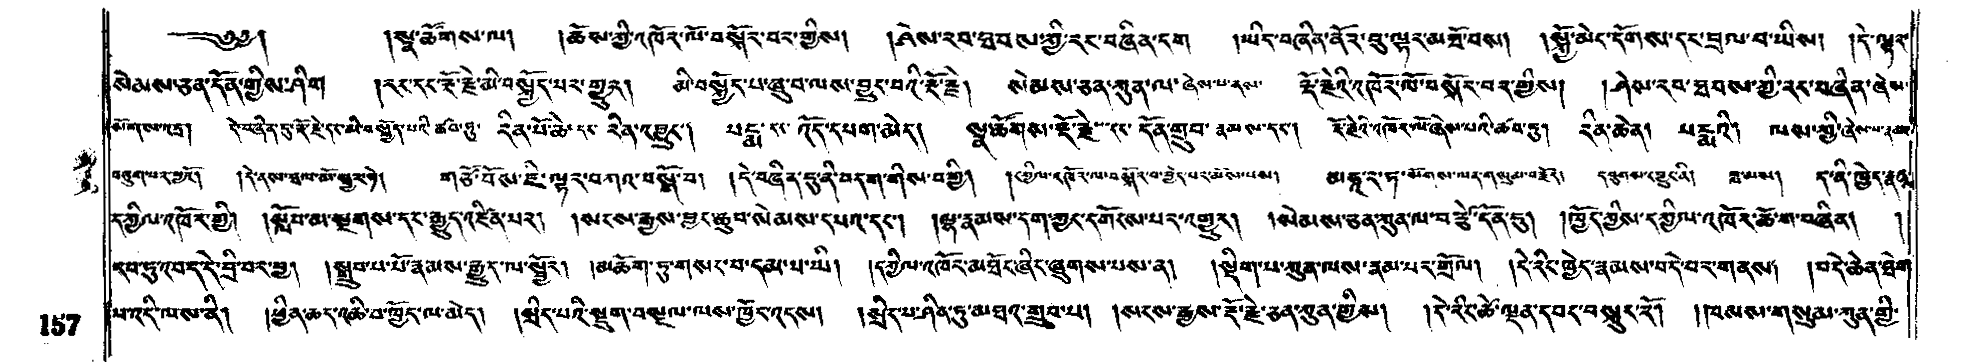༄༅། །སྣ་ཚོགས་ལ། །ཆོས་ཀྱི་འཁོར་ལོ་བསྐོར་བར་གྱིས། །ཤེས་རབ་ཐབས་ཀྱི་རང་བཞིན་དག །ཡིད་བཞིན་ནོར་བུ་ལྟར་མཐོ་བས། །སྐྱོ་མེད་དགོས་དང་བྲལ་བ་ཡིས། །དེ་ལྟར་
སེམས་ཅན་དོན་གྱིས་ཤིག །རང་དང་རྡོ་རྗེ་མི་བསྐྱོད་པར་གྱུར། མི་བསྐྱོད་པ་ཞུ་བ་ལས་བྱུང་བའི་རྡོ་རྗེ། སེམས་ཅན་ཀུན་ལ་ཞེས་པ་ནས་རྡོ་རྗེའི་འཁོར་ལོ་བསྐོར་བར་གྱིས། །ཤེས་རབ་ཐབས་ཀྱི་རང་བཞིན་ཞེས་
སོགས་འདྲ། དེ་བཞིན་དུ་རྡོ་རྗེ་དང་མི་བསྐྱོད་པའི་ཚབ་ཏུ་རིན་པོ་ཆེ་དང་རིན་འབྱུང་། པདམ་དང་འོད་དཔག་མེད། སྣ་ཚོགས་རྡོ་རྗེ་དང་དོན་གྲུབ་རྣམས་དང་། རྡོ་རྗེའི་འཁོར་ལོ་ཞེས་པའི་ཚབ་ཏུ།  རིན་ཆེན། པདམའི། ལས་ཀྱི་ཞེས་པ་རྣམས་
བཅུག་པར་བྱའོ། །དེ་ནས་ཐལ་མོ་སྦྱར་ཏེ། གཙོ་བོས་ཇི་ལྟར་བཀའ་བསྒོ་བ། །དེ་བཞིན་དུ་ནི་བདག་གིས་བགྱི། ། དཀྱིལ་འཁོར་ལ་བསྐོར་བ་བྱེད་པར་མོས་པས།  མཧཱ་ར་ཏ་སོགས་ལན་གསུམ་བརྗོད། དབུགས་དབྱུང་ནི། བླ་མས།  ད་ནི་ཁྱེད་རྣམས་
དཀྱིལ་འཁོར་གྱི། །སློབ་མ་སྔགས་དང་རྒྱུད་འཛིན་པར། །སངས་རྒྱས་བྱང་ཆུབ་སེམས་དཔའ་དང་། །ལྷ་རྣམས་དག་ཀྱང་དགོངས་པར་འགྱུར། །སེམས་ཅན་ཀུན་ལ་བརྩེ་དོན་དུ། །ཁྱོད་ཀྱིས་དཀྱིལ་འཁོར་ཆོ་ག་བཞིན། །
རབ་ཏུ་འབད་དེ་བྲི་བར་བྱ། །སྒྲུབ་པ་པོ་རྣམས་རྒྱུད་ལ་སྦྱོར། །མཆོག་ཏུ་གསང་བ་དམ་པ་ཡི། །དཀྱིལ་འཁོར་མཐོང་ཞིང་ཞུགས་པས་ན། །སྡིག་པ་ཀུན་ལས་རྣམ་པར་གྲོལ། །དེ་རིང་ཁྱེད་རྣམས་བདེ་བར་གནས། །བདེ་ཆེན་ཐེག་
པ་འདི་ལས་ནི། །ཕྱིན་ཆད་འཆི་བ་ཁྱོད་ལ་མེད། །སྲིད་པའི་སྡུག་བསྔལ་ལས་ཁྱོད་འདས། །སྲིད་པ་ཤིན་ཏུ་མཐའ་གྲུབ་པ། །སངས་རྒྱས་རྡོ་རྗེ་ཅན་ཀུན་གྱིས། །དེ་རིང་ཚེ་ལྡན་དབང་བསྐུར་རོ། །ཁམས་གསུམ་ཀུན་གྱི་